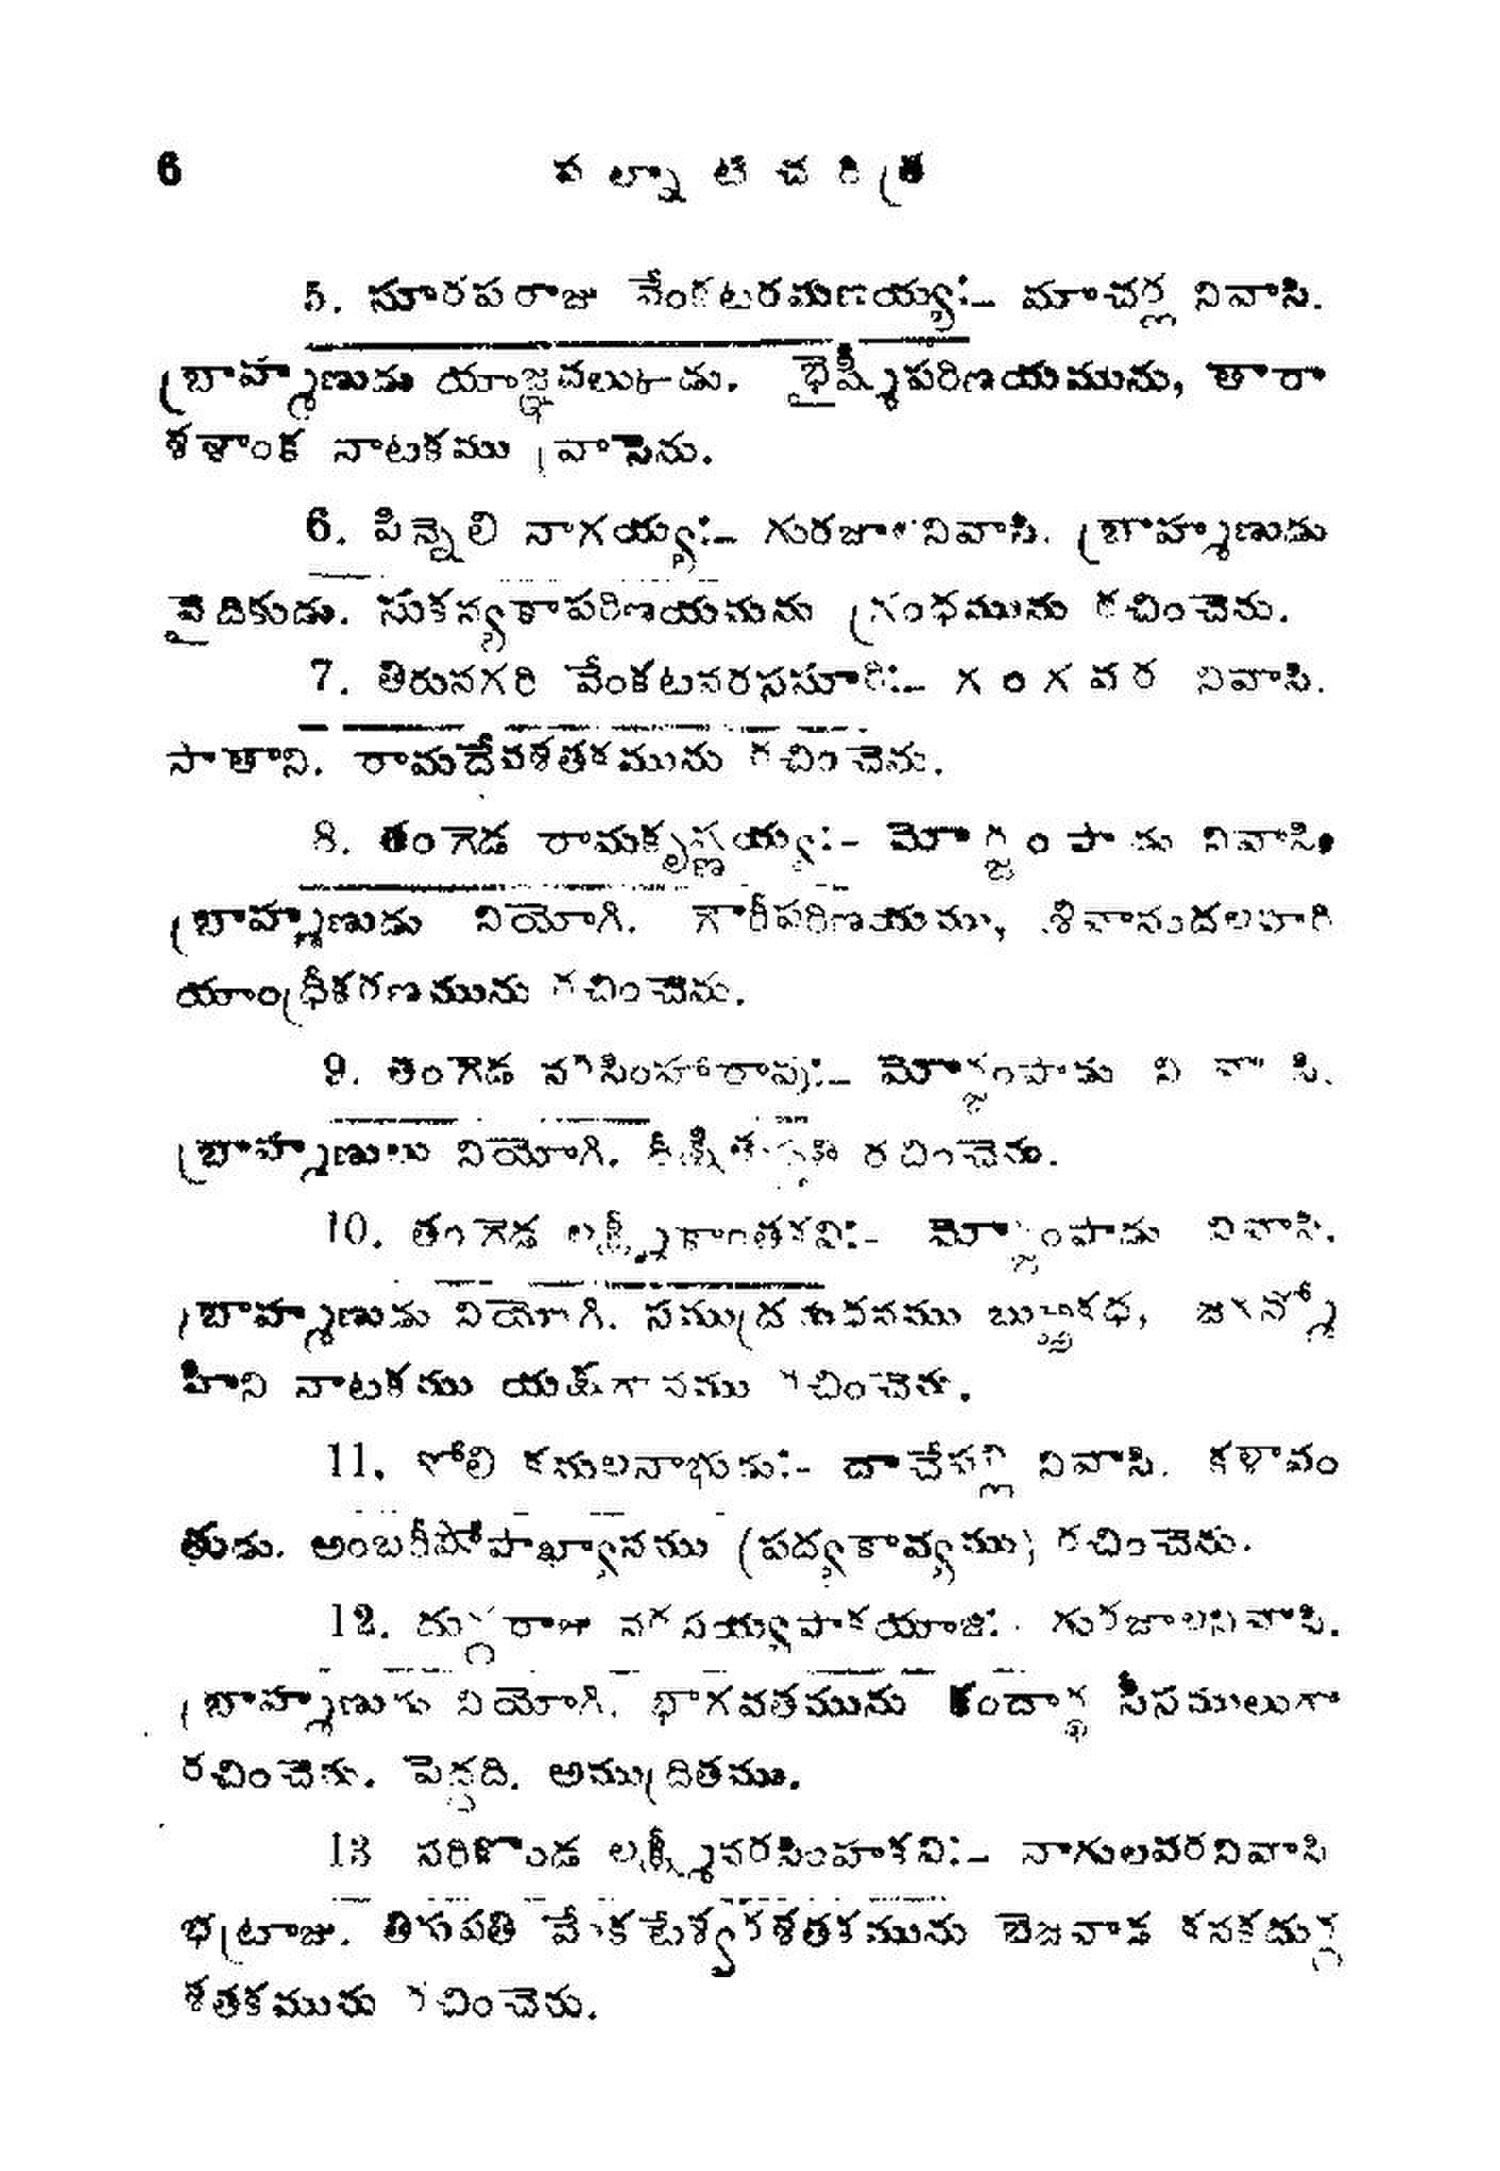5. సూరపరాజు వేంకటరమణయ్య:- మాచర్ల నివాసి.
బ్రాహ్మణుడు యాజ్ఞవల్కుడు,భైష్మీపరిణయమును, తారా
శశాంక నాటకము వ్రాసెను.

6. పిన్నెలి నాగయ్య:- గురజాల నివాసి, బ్రాహ్మణుడు
వైదికుడు. సుకన్యకాపరిణయమను గ్రంధమును రచించెను.

7. తిరునగరి వేంకట నరససూరి:- గంగవర నివాసి.
సాతాని, రామదేవశతకమును రచించెను.

8. తంగెడ రామకృష్ణయ్య:- మోర్జంపాడు నివాసి
బ్రాహ్మణుడు నియోగి. గౌరీపరిణయము, శివానందలహరి
యాంధ్రీకరణమును రచించెను.

9. తంగెడ నరిసింహారావు:- మోర్జంపాడు నివాసి
బ్రాహ్మణులు నియోగి. దీక్షితస్తుతి రచించెను.

10. తంగెడ లక్ష్మీకాంతకవి:- మోటంపాడు నివాసి,
బ్రాహ్మణుడు నియోగి. సముద్ర మథనము బుఱ్ఱుకధ, జగన్మోహిని 
నాటకము యక్షగానము రచించెను.

11, గోలి కమలనాభుడు:- దాచేపల్లి నివాసి. కళావంతుడు. 
అంబరీషోపాఖ్యానము (పద్యకావ్యము) రచించెను.

12. దుర్గరాజు నరసయ్య పాకయాజి: గురజాలనివాసి,
బ్రాహ్మణుడు నియోగి. భాగవతమును కందార్థ సీసములుగా
రచించెను. పెద్దది. అముద్రితము.

13 సరికొండ లక్ష్మీనరసింహకవి:- నాగులవరనివాసి
భట్రాజు. తిరుపతి వేంకటేశ్వర శతకమును, బెజవాడ కనకదుర్గ
శతకమురు రచించెను.